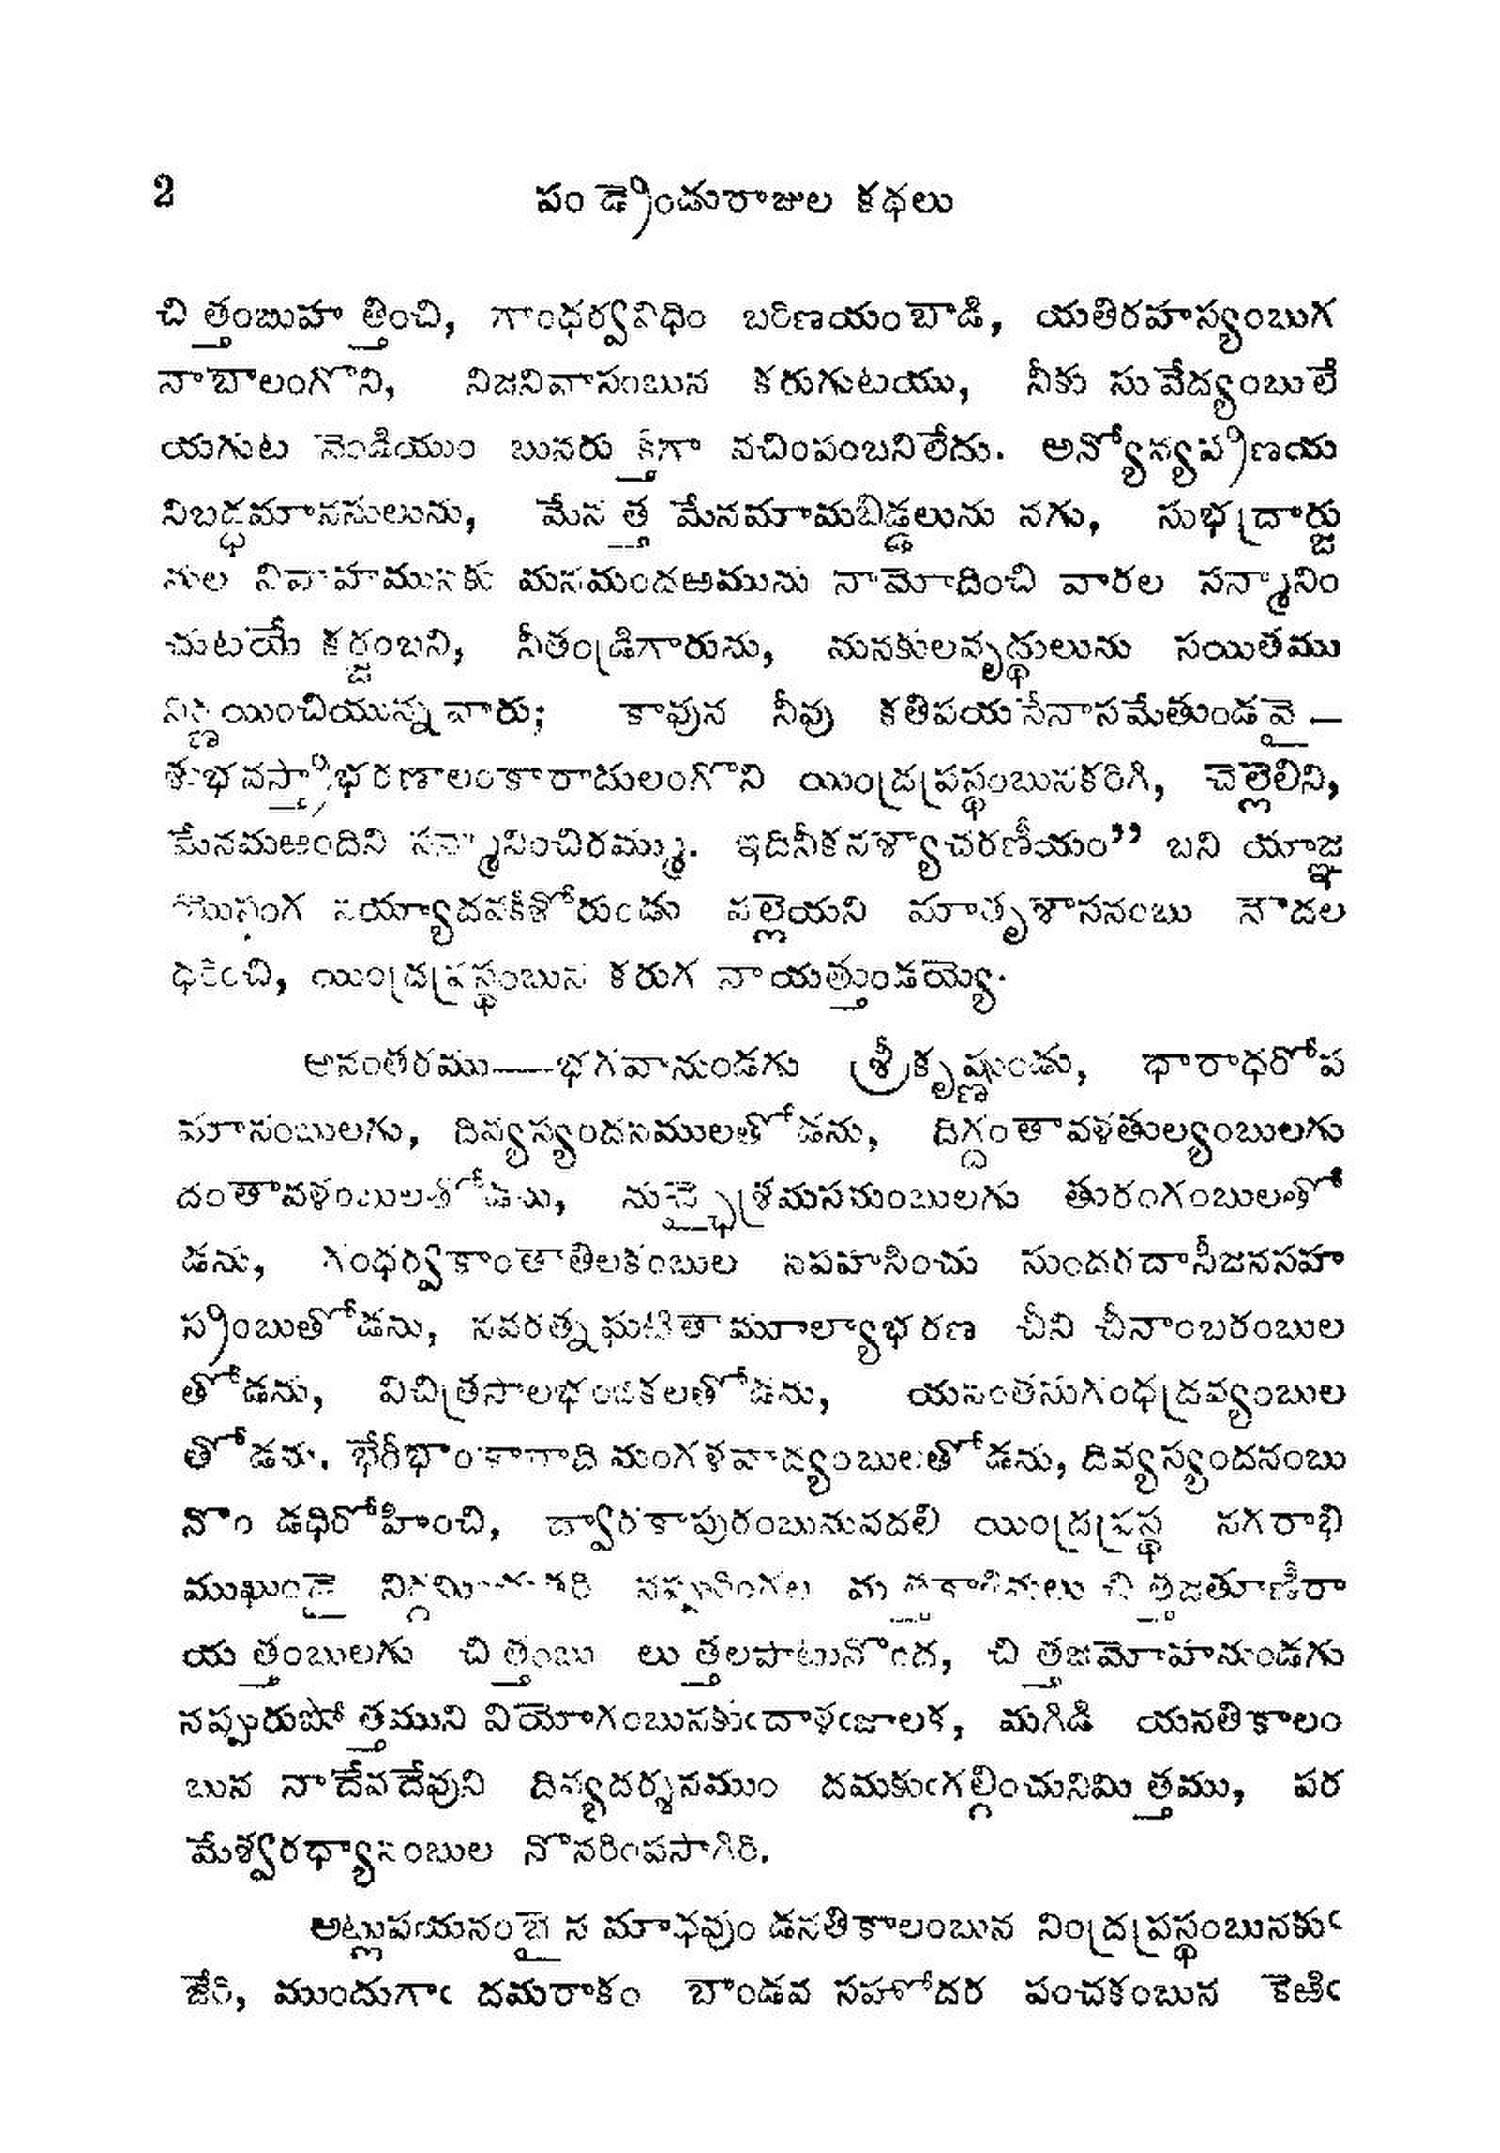చిత్తంబుహత్తించి, గాంధర్వవిధిం బరిణయం బాడి, యతిరహస్యంబుగ నాబాలంగొని, నిజనివాసంబున కరుగుటయు, నీకు సువేద్యంబులే యగుట వెండియుం బునరుక్తిగా వచింపంబని లేదు. అన్యోన్య ప్రణయ నిబద్దమానసులును, మేనత్త మేనమామబిడ్డలును నగు, సుభద్రార్జునుల వివాహమునకు మనమందఱమును నామోదించి వారల సన్మానించుటయే కర్జంబని, నీతండ్రిగారును, మనకులవృద్ధులును సయితము నిర్ణయించియున్నవారు; కావున నీవు కతీపయ సేనాసమేతుండవై —— శుభ వస్త్రాభరణాలంకారాదులంగాని యింద్రప్రస్థంబుసకరిగి, చెల్లెలిని,మేనమఱందిని సన్మానించిరమ్ము. ఇదినీకవశ్యాచరణీయం” బని యాజ్ఞ యొసంగ నయ్యాదవకిశోరుఁడు వల్లెయని మాతృశాసనఁబు నౌదల ధరించి, యింద్రప్రస్థంబున కరుగ నాయత్తుండయ్యె.

అనంతరము—— భగవానుండగు శ్రీకృష్ణుడు, ధారాధరోపమానంబులగు, దివ్యస్యందనములతోడను, దిగ్దంతావళతుల్యంబులగు
దంతావళంబులతోడను, నువ్ఛైశ్రమసమంబులగు తురంగంబులతోడను, గంధర్వకాంతా తిలకింబుల నపహసించు సుందరదాసీజనసహ
స్రంబుతోడను, నవరత్న ఘటితా మూల్యాభరణ చీనీ చీనాంబరంబుల తోడను, విచిత్రసాలభంజికలతోను, యనంతసుగంధ ద్రవ్యంబుల
తోడను, భేరీ భాంకారాది మంగళవాద్యంబులతోడను, దివ్య స్యందనంబు నొండధిరోహించి, ద్వారాకాపురంబునువదలి యింద్రప్రస్థ నగరాభి
ముఖుండై నిర్గమించుడరి నప్పురింగల, మత్తకాశివులు చిత్తజతూణీరా యత్తంబులగు చిత్తంబు లుత్తలపాటునొంద, చిత్తజ మోహనుండగు
నప్పురుషోత్తముని వియోగంబునకుఁదాళజాలక, మగిడి యనతి కాలంబున నా దేవదేవుని దివ్యదర్శనముం దమకుఁగల్గించునిమిత్తము, పర
మేశ్వరధ్యానంబుల నొనరింపసాగిరి.

అట్లు పయనంబైన మానవుం డనతి కాలంబున నింద్రప్రస్థంబునకుఁ జేసి, ముందుగాఁ దమరాకం బాండవ సహోదర పంచకంబున కెఱిఁ